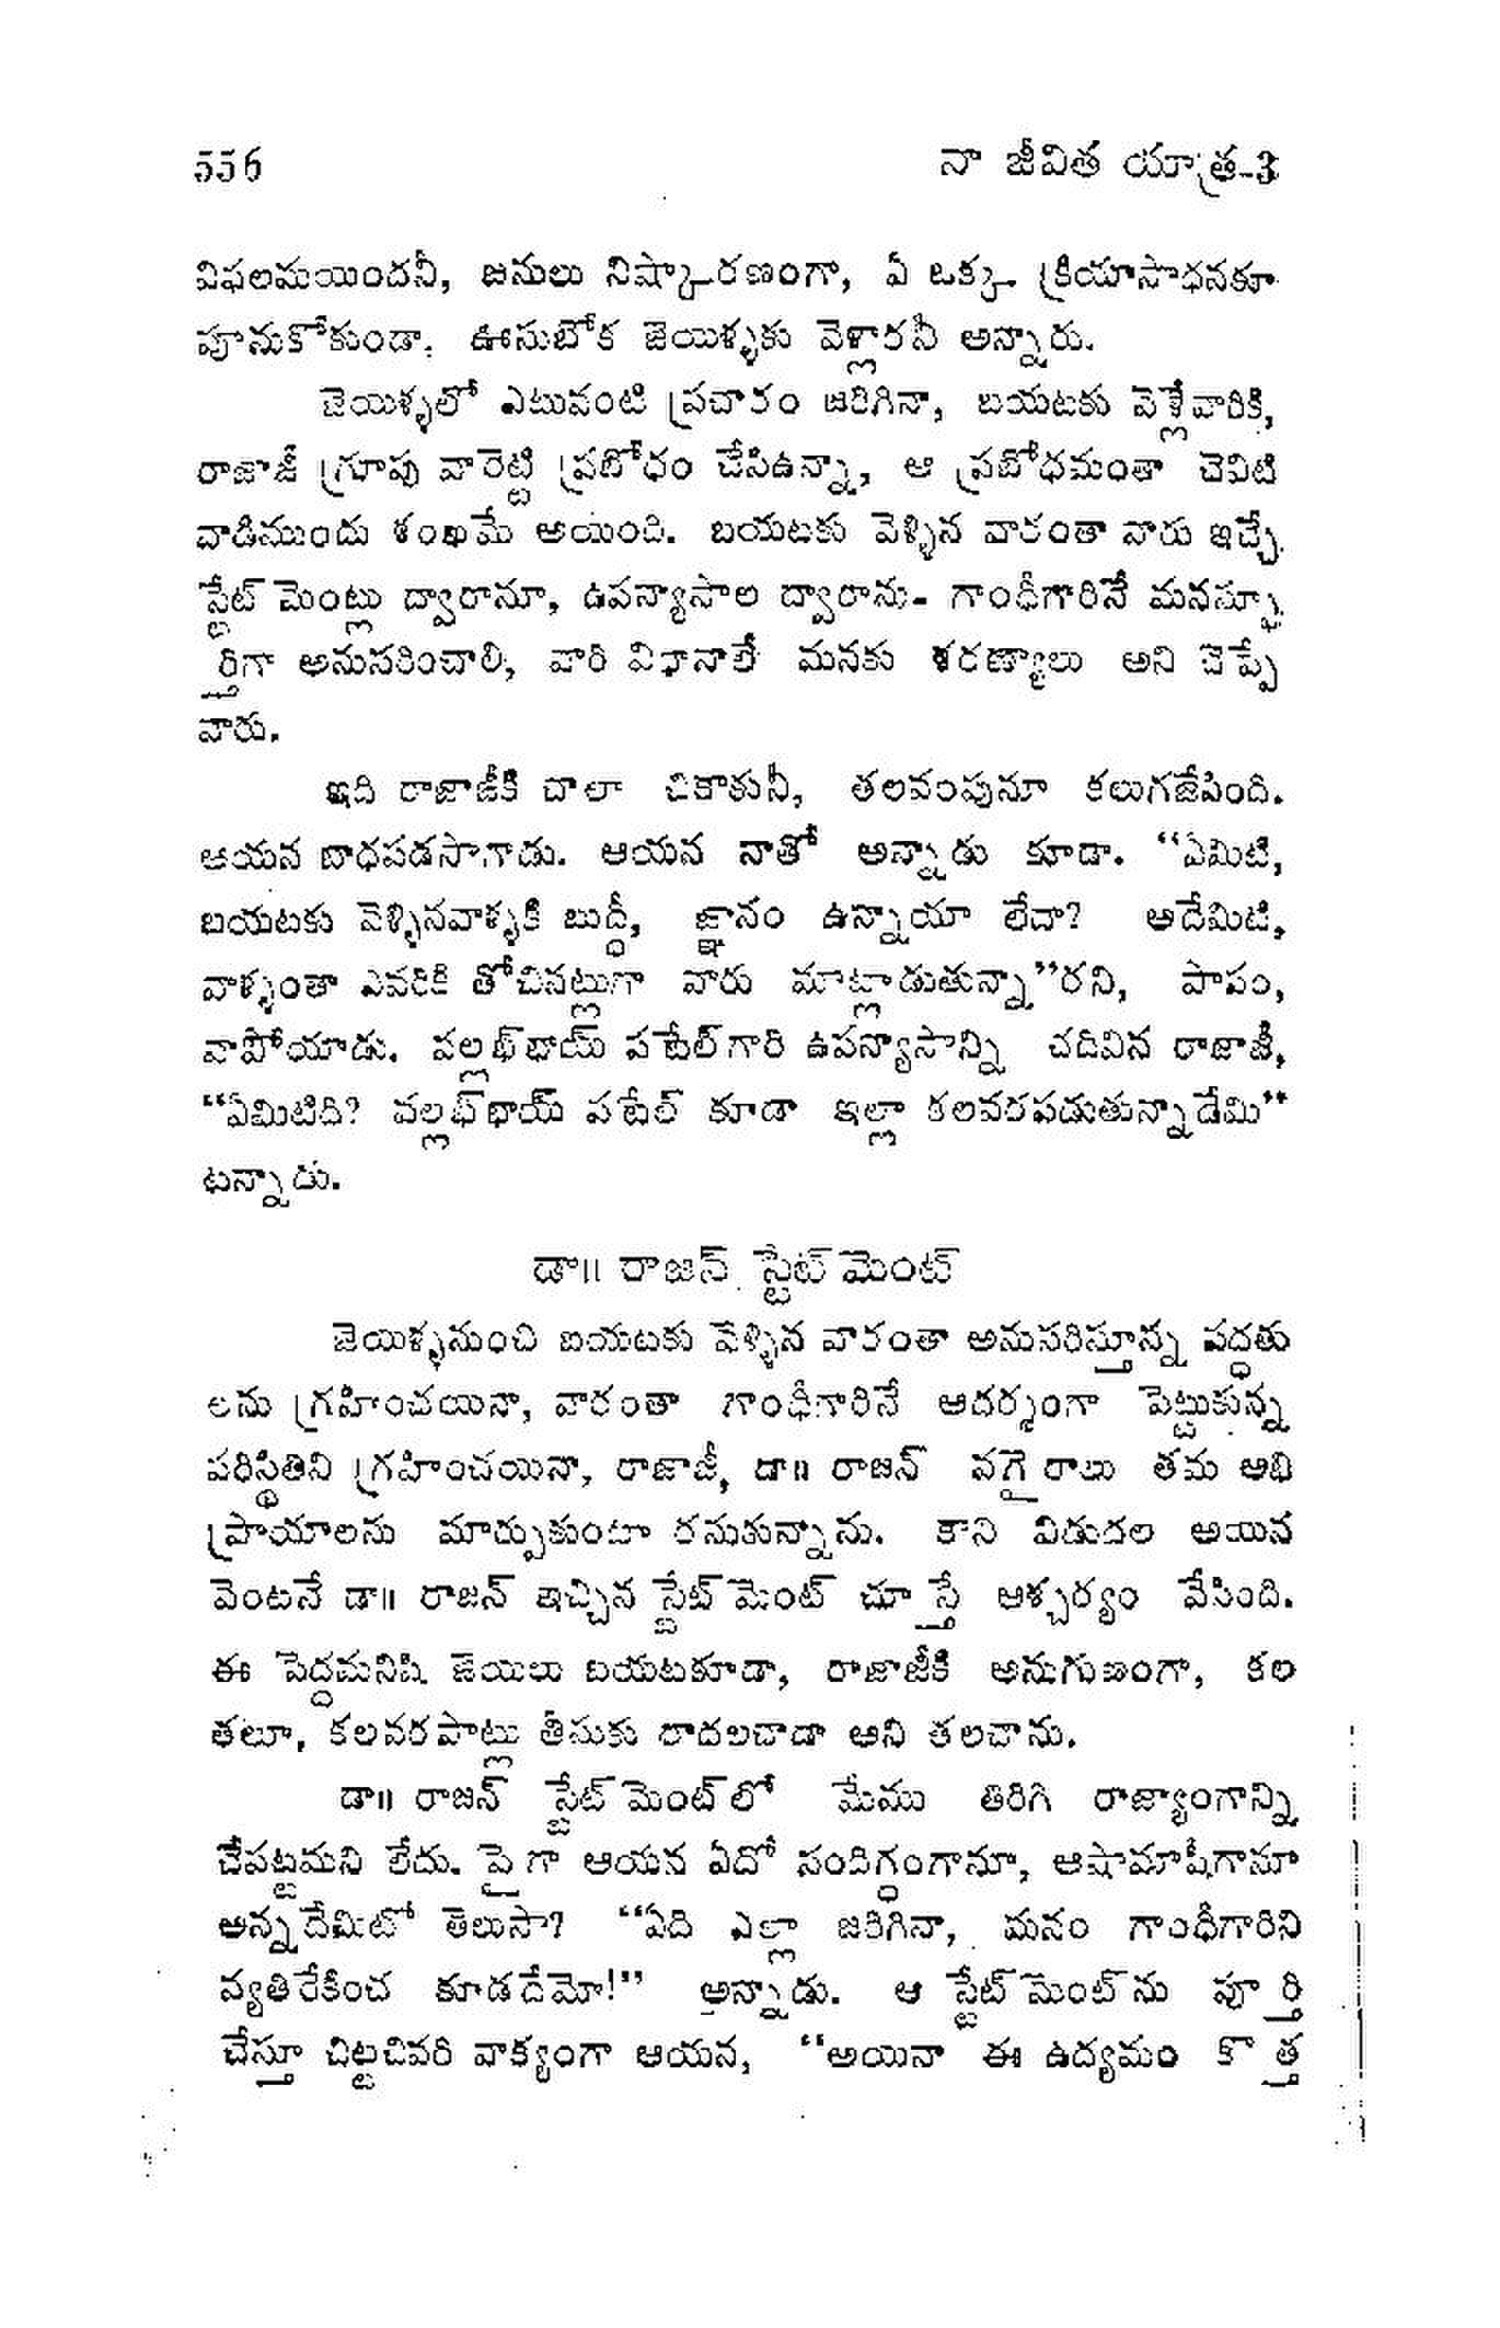విఫలమయిందనీ, జనులు నిష్కారణంగా, ఏ ఒక్క క్రియాసాధనకూ పూనుకోకుండా, ఊసుబోక జెయిళ్ళకు వెళ్లారనీ అన్నారు.

జెయిళ్ళలో ఎటువంటి ప్రచారం జరిగినా, బయటకు వెళ్లేవారికి, రాజాజీ గ్రూపు వారెట్టి ప్రబోధం చేసిఉన్నా, ఆ ప్రబోధమంతా చెవిటివాడిముందు శంఖమే అయింది. బయటకు వెళ్ళిన వారంతా వారు ఇచ్చే స్టేట్‌మెంట్లు ద్వారానూ, ఉపన్యాసాల ద్వారాను - గాంధీగారినే మనస్ఫూర్తిగా అనుసరించాలి, వారి విధానాలే మనకు శరణ్యాలు అని చెప్పేవారు.

ఇది రాజాజీకి చాలా చికాకునీ, తలవంపునూ కలుగజేసింది. ఆయన బాధపడసాగాడు. ఆయన నాతో అన్నాడు కూడా. "ఏమిటి, బయటకు వెళ్ళినవాళ్ళకి బుద్ధీ, జ్ఞానం ఉన్నాయా లేదా? అదేమిటి, వాళ్ళంతా ఎవరికి తోచినట్లుగా వారు మాట్లాడుతున్నా"రని, పాపం, వాపోయాడు. వల్లభ్‌భాయ్ పటేల్ గారి ఉపన్యాసాన్ని చదివిన రాజాజీ, "ఏమిటిది? వల్లభ్‌భాయ్ పటేల్ కూడా ఇల్లా కలవరపడుతున్నాడేమి"టన్నాడు.

జెయిళ్ళనుంచి బయటకు వెళ్ళిన వారంతా అనుసరిస్తూన్న పద్ధతులను గ్రహించయినా, వారంతా గాంధీగారినే ఆదర్శంగా పెట్టుకున్న పరిస్థితిని గ్రహించయినా, రాజాజీ, డా॥ రాజన్ వగైరాలు తమ అభిప్రాయాలను మార్చుకుంటా రనుకున్నాను. కాని విడుదల అయిన వెంటనే డా॥ రాజన్ ఇచ్చిన స్టేట్‌మెంట్ చూస్తే ఆశ్చర్యం వేసింది. ఈ పెద్దమనిషి జెయిలు బయటకూడా, రాజాజీకి అనుగుణంగా, కలతలూ, కలవరపాట్లు తీసుకు రాదలచాడా అని తలచాను.

డా॥ రాజన్ స్టేట్‌మెంట్‌లో మేము తిరిగి రాజ్యాంగాన్ని చేపట్టమని లేదు. పైగా ఆయన ఏదో సందిగ్దంగానూ, ఆషామాషీగానూ అన్నదేమిటో తెలుసా? "ఏది ఎల్లా జరిగినా, మనం గాంధీగారిని వ్యతిరేకించ కూడదేమో!" అన్నాడు. ఆ స్టేట్‌మెంట్‌ను పూర్తిచేస్తూ చిట్టచివర వాక్యంగా ఆయన, "అయినా ఈ ఉద్యమం కొత్త